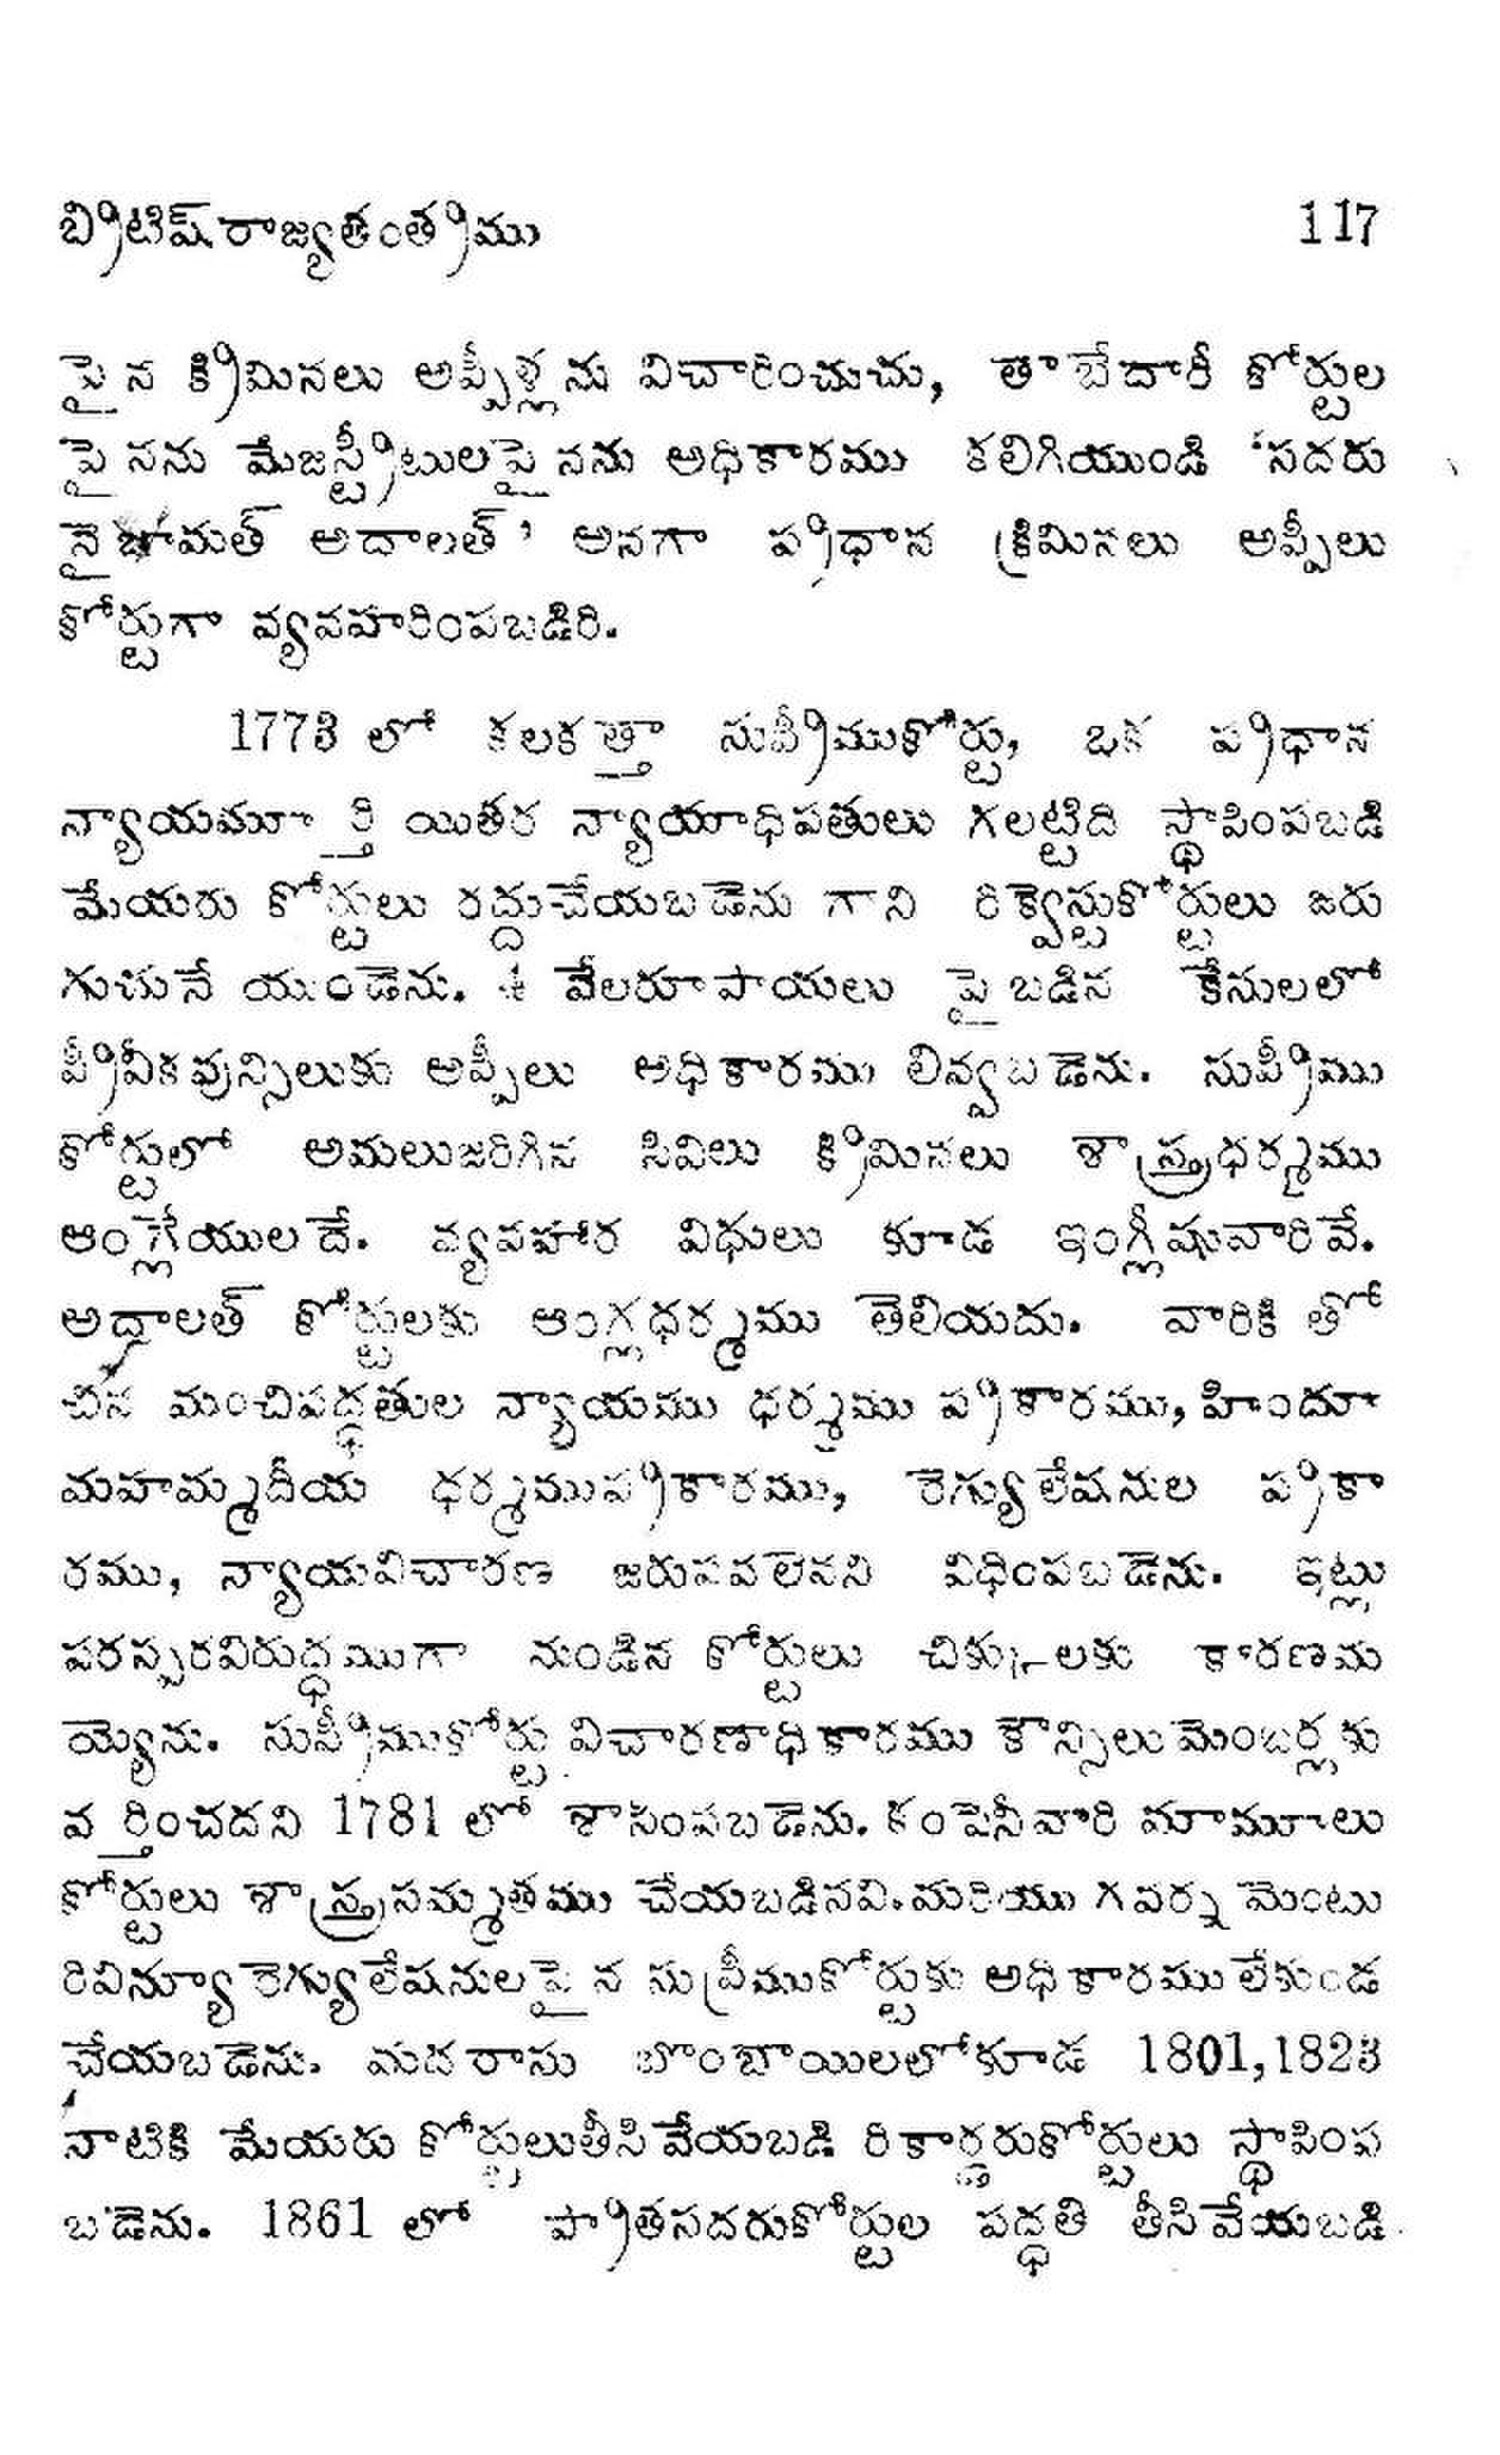పైన క్రిమినలు అప్పీళ్లను విచారించుచు, తాబేదారీ కోర్టులపైనను మేజస్ట్రీటులపైనను అధికారము కలిగియుండి 'సదరు నైజమత్ అదాలత్‌' అనగా ప్రధాన క్రిమినలు అప్పీలు కోర్టుగా వ్యవహరింపబడిరి.

1773 లో కలకత్తా సుప్రీముకోర్టు, ఒక ప్రధాన న్యాయమూర్తి యితర న్యాయాధిపతులు గలట్టిది స్థాపింపబడి
మేయరు కోర్టులు రద్దుచేయబడెను గాని రిక్వెస్టుకోర్టులు జరుగుచునే యుండెను. 4 వేలరూపాయలు పైబడిన కేసులలో ప్రేవీకవున్సిలుకు అప్పీలు అధికారము లివ్వబడెను. సుప్రీము కోర్టులో అమలుజరిగిన సివిలు క్రిమినలు శాస్త్రధర్మము ఆంగ్లేయులదే. వ్యవహార విధులు కూడ ఇంగ్లీషువారివే. అదాలత్ కోర్టులకు ఆంగ్లధర్మము తెలియదు. వారికి తోచిన మంచిపద్ధతుల న్యాయము ధర్మము ప్రకారము, హిందూమహమ్మదీయ ధర్మముప్రకారము, రెగ్యులేషనుల ప్రకారము, న్యాయవిచారణ జరుపవలెనని విధింపబడెను. ఇట్లు పరస్పరవిరుద్ధముగా నుండిన కోర్టులు చిక్కులకు కారణమయ్యెను. సుప్రీముకోర్టు విచారణాధికారము కౌన్సిలు మెంబర్లకు వర్తించదని 1781 లో శాసింపబడెను. కంపెనీవారి మామూలు కోర్టులు శాస్త్రసమ్మతము చేయబడినవి. మరియు గవర్నమెంటు రివిన్యూరెగ్యులేషనులపైన సుప్రీముకోర్టుకు అధికారము లేకుండ చేయబడెను, మదరాసు బొంబాయిలలో కూడ 1801, 1823 నాటికి మేయరు కోర్టులు తీసివేయబడి రికార్డరుకోర్టులు స్థాపింపబడెను. 1861 లో ప్రాతసదరుకోర్టుల పద్ధతి తీసివేయబడి